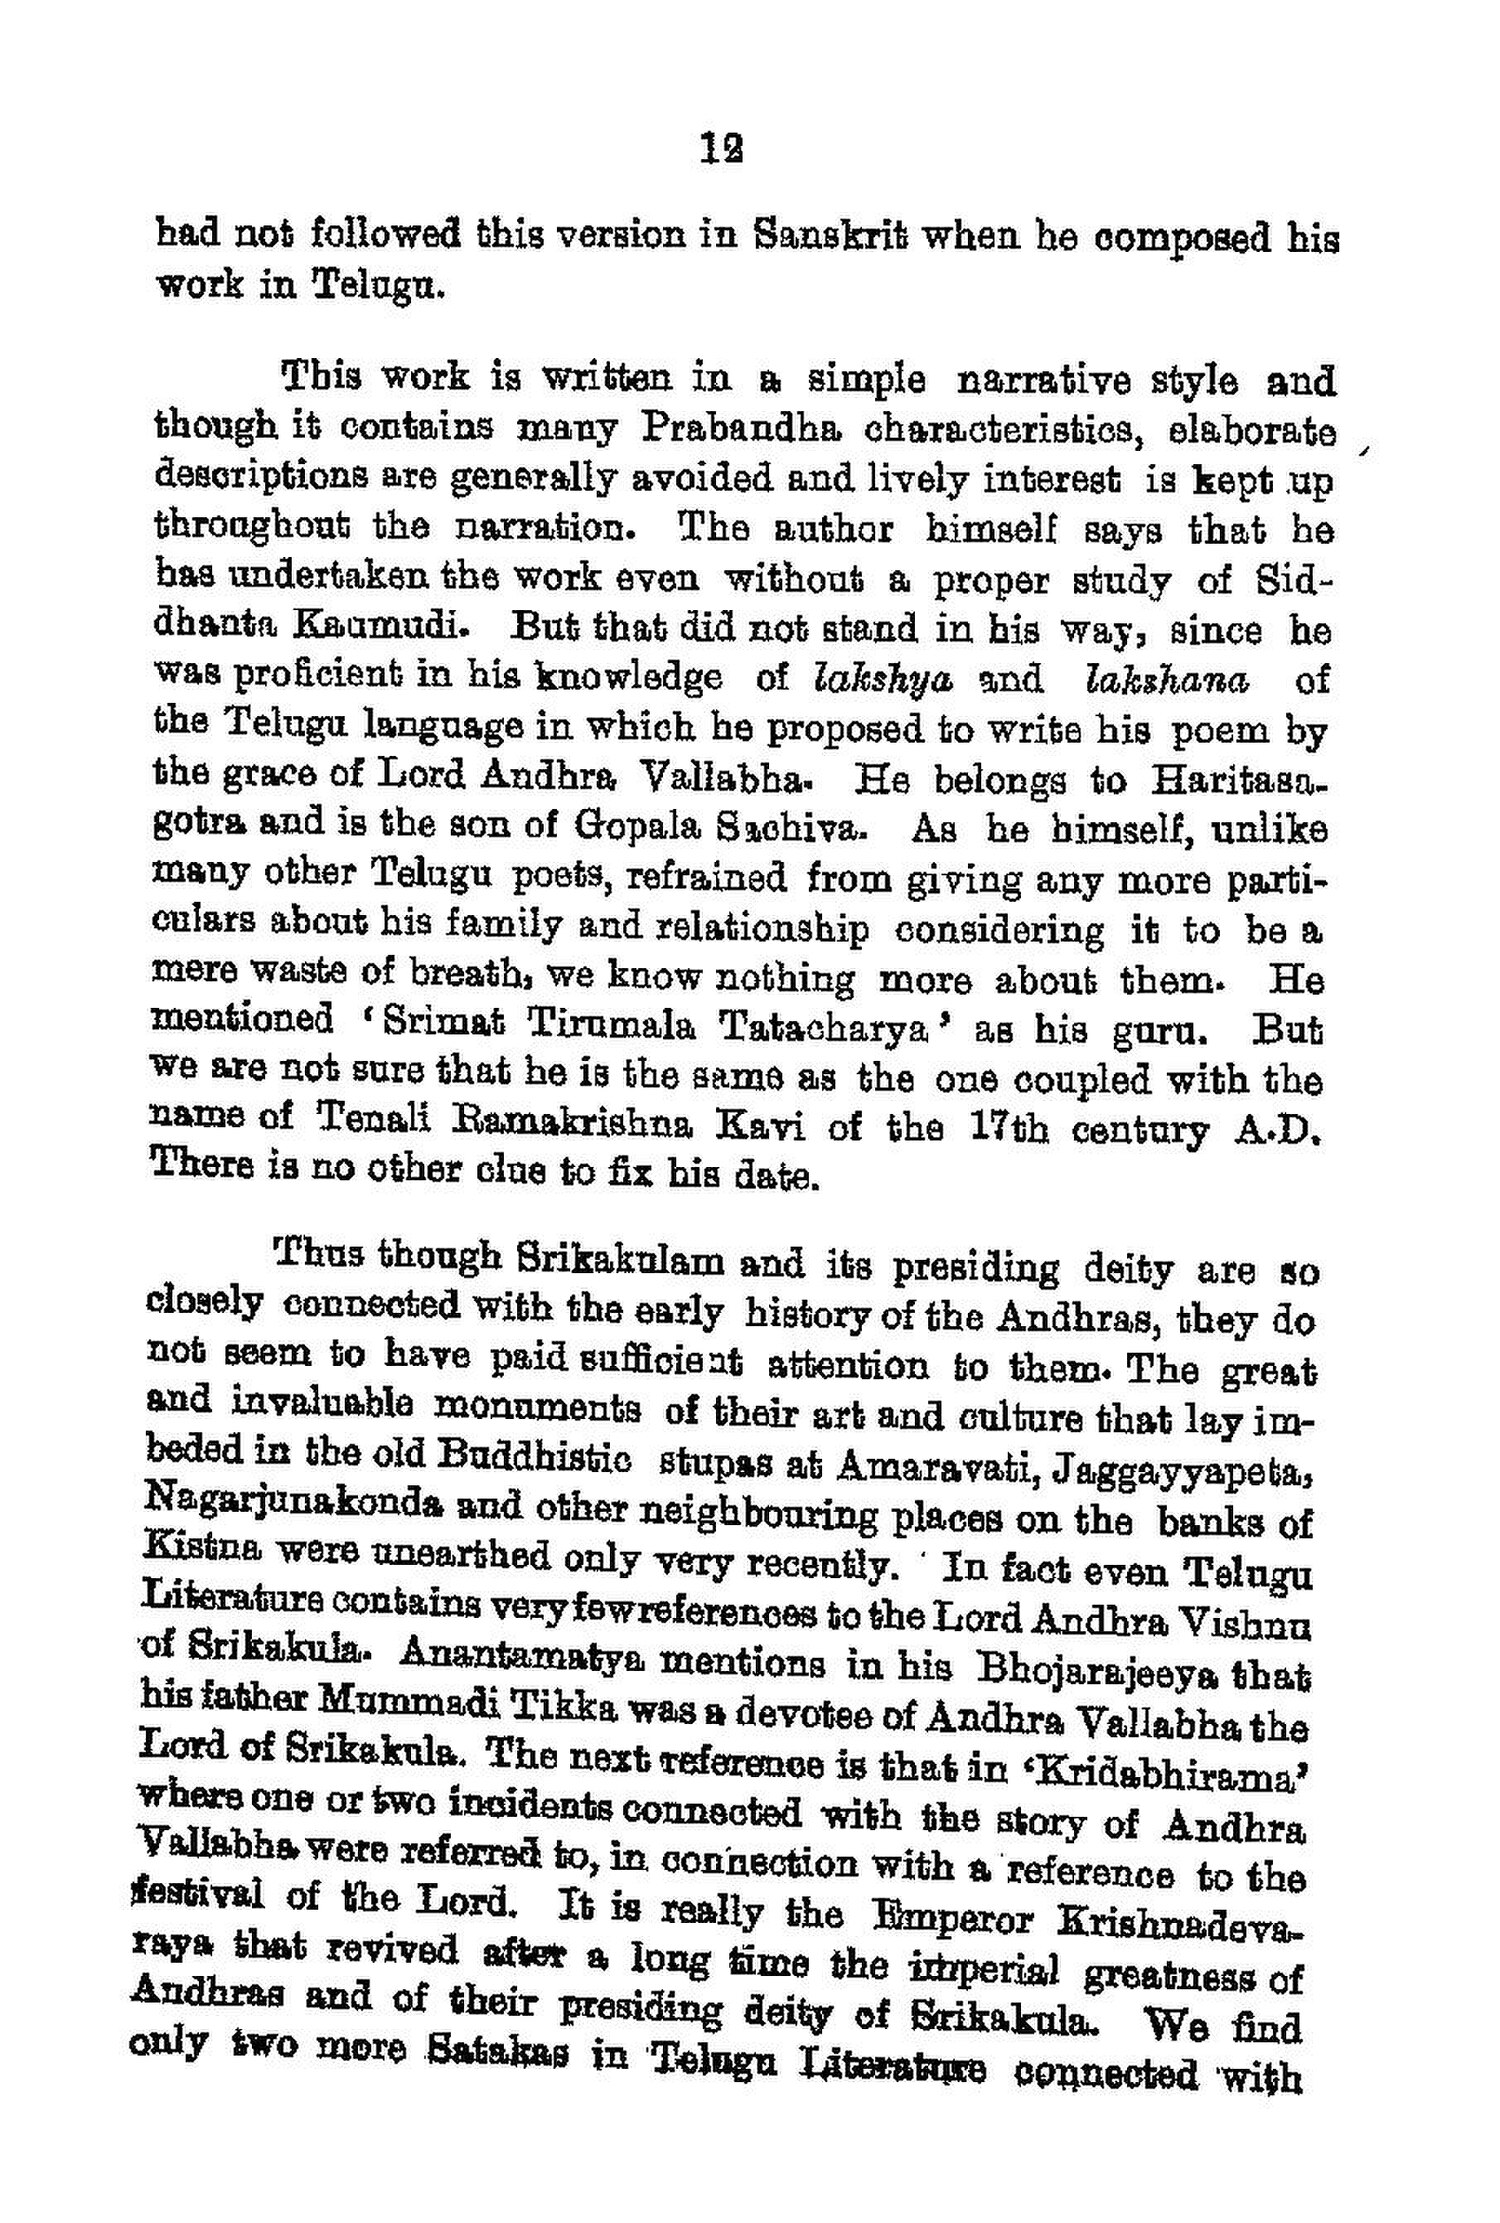had not followed this version in Sanskrit when he composed his work in Telugu.

This work is written in a simple narrative style and though it contains many Prabandha characteristics, elaborate descriptions are generally avoided and lively interest is kept up
throughout the narration. The author himself says that he has undertaken the work even without a proper study of Siddhanta Kaumudi. But that did not stand in his way, since he was proficient in his knowledge of lakshya and lakshana of the Telugu language in which he proposed to write his poem by the grace of Lord Andhra Vallabha. He belongs to Haritasa-gotra and is the son of Gopala Sachiva. As he himself, unlike many other Telugu poets, refrained from giving any more particulars about his family and relationship considering it to be a mere waste of breath, we know nothing more about them. He mentioned 'Srimat Tirumala Tatacharya' as his guru. But We are not sure that he is the same as the one coupled with the name of Tenali Ramakrishna Kavi of the 17th century A.D. There is no other clue to fix his date.

Thus though Srikakulam and its presiding deity are so closely connected with the early history of the Andhras, they do not seem to have paid sufficient attention to them. The great and invaluable monuments of their art and culture that lay imbeded in the old Buddhistic stupas at Amaravati, Jaggayyapeta, Nagarjunakonda and other neighbouring places on the banks of Kistna were unearthed only very recently. In fact even Telugu Literature contains very few references to the Lord Andhra Vishnu
of Srikakula. Anantamatya mentions in his Bhojarajeeya that his father Mummadi Tikka was a devotee of Andhra Vallabha the Lord of Srikakula. The next reference is that in 'Kridabhirama' where one or two incidents connected with the story of Andhra Vallabha were referred to, in connection with a reference to the festival of the Lord. It is really the Emperor Krishnadevaraya that revived after a long time the imperial greatness of Andhras and of their presiding deity of Srikakula. We find only two more Satakas in Telugu Literature connected with